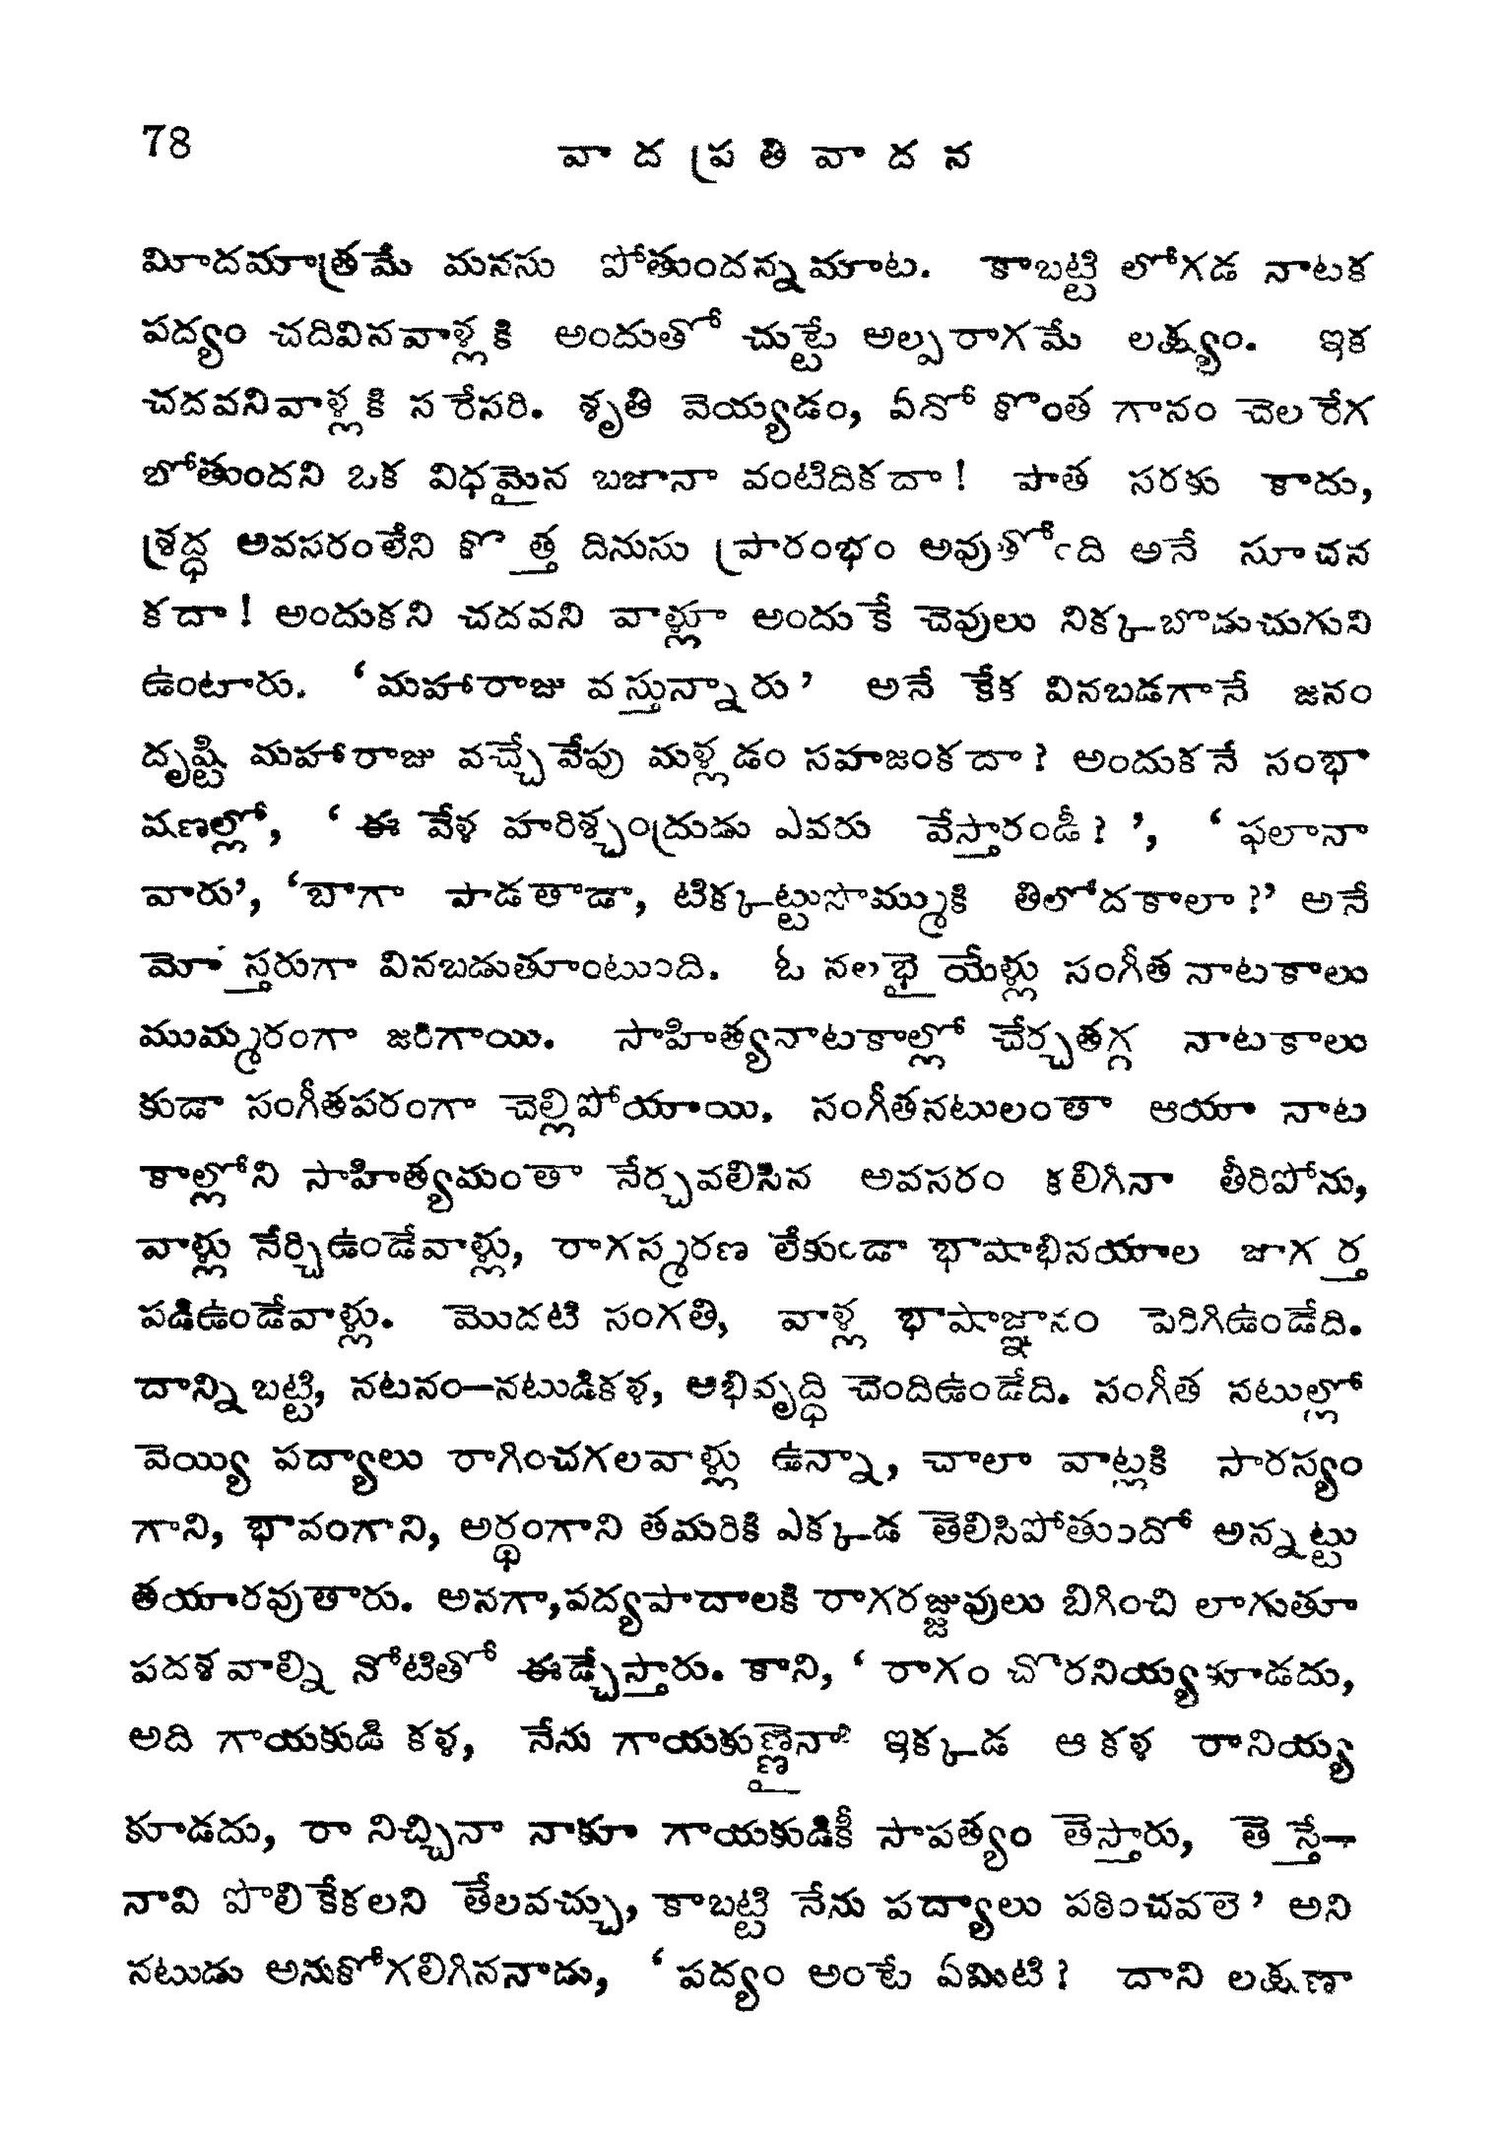మీదమాత్రమే మనసు పోతుందన్నమాట. కాబట్టి లోగడ నాటక
పద్యం చదివినవాళ్లకి అందుతో చుట్టే అల్పరాగమే లక్ష్యం. ఇక
చదవనివాళ్లకి సరేసరి. శృతి వెయ్యడం, ఏదో కొంత గానం చెలరేగ
బోతుందని ఒక విధమైన బజానా వంటిదికదా ! పాత సరకు కాదు,
శ్రద్ధ అవసరంలేని కొత్త దినుసు ప్రారంభం అవుతోంది అనే సూచన
కదా! అందుకని చదవని వాళ్లూ అందుకే చెవులు నిక్కబొడుచుగుని
ఉంటారు. 'మహారాజు వస్తున్నారు' అనే కేక వినబడగానే జనం
దృష్టి మహారాజు వచ్చే వేపు మళ్లడం సహజంకదా! అందుకనే సంభా
క్షణల్లో, ఈ వేళ హరిశ్చంద్రుడు ఎవరు వేస్తారండీ?', 'ఫలానా
వారు', 'బాగా పాడతాడా, టిక్కట్టుసొమ్ముకి తిలోదకాలా?' అనే
మోస్తరుగా వినబడుతూంటుంది, ఓ నలభై యేళ్లు సంగీత నాటకాలు
ముమ్మరంగా జరిగాయి. సాహిత్యనాటకాల్లో చేర్చతగ్గ నాటకాలు
కుడా సంగీతపరంగా చెల్లిపోయాయి, సంగీతనటులంతా ఆయా నాట
కాల్లోని సాహిత్యమంతా నేర్చవలిసిన అవసరం కలిగినా తీరిపోను,
వాళ్లు నేర్చిఉండేవాళ్లు, రాగస్మరణ లేకుండా భాషాభినయాల జాగర్త
పడిఉండేవాళ్లు. మొదటి సంగతి, వాళ్ల భాషాజ్ఞానం పెరిగిఉండేది.
దాన్ని బట్టి, నటనం—నటుడికళ, అభివృద్ధి చెందిఉండేది. సంగీత నటుల్లో
వెయ్యి పద్యాలు రాగించగలవాళ్లు ఉన్నా, చాలా వాట్లకి సారస్యం
గాని, భావంగాని, అర్థంగాని తమరికి ఎక్కడ తెలిసిపోతుందో అన్నట్టు
తయారవుతారు. అనగా, పద్యపాదాలకి రాగరజ్జువులు బిగించి లాగుతూ
పదశవాల్ని నోటితో ఈడ్చేస్తారు. కాని, ' రాగం చొరనియ్యకూడదు,
అది గాయకుడి కళ, నేను గాయకుణ్ణైనా ఇక్కడ ఆకళ రానియ్య
కూడదు, రా నిచ్చినా నాకూ గాయకుడికీ సాపత్యం తెస్తారు, తెస్తే -
నావి పొలికేకలని తేలవచ్చు, కాబట్టి నేను పద్యాలు పఠించవలె' అని
నటుడు అనుకోగలిగిననాడు, 'పద్యం అంటే ఏమిటి ? దాని లక్షణా